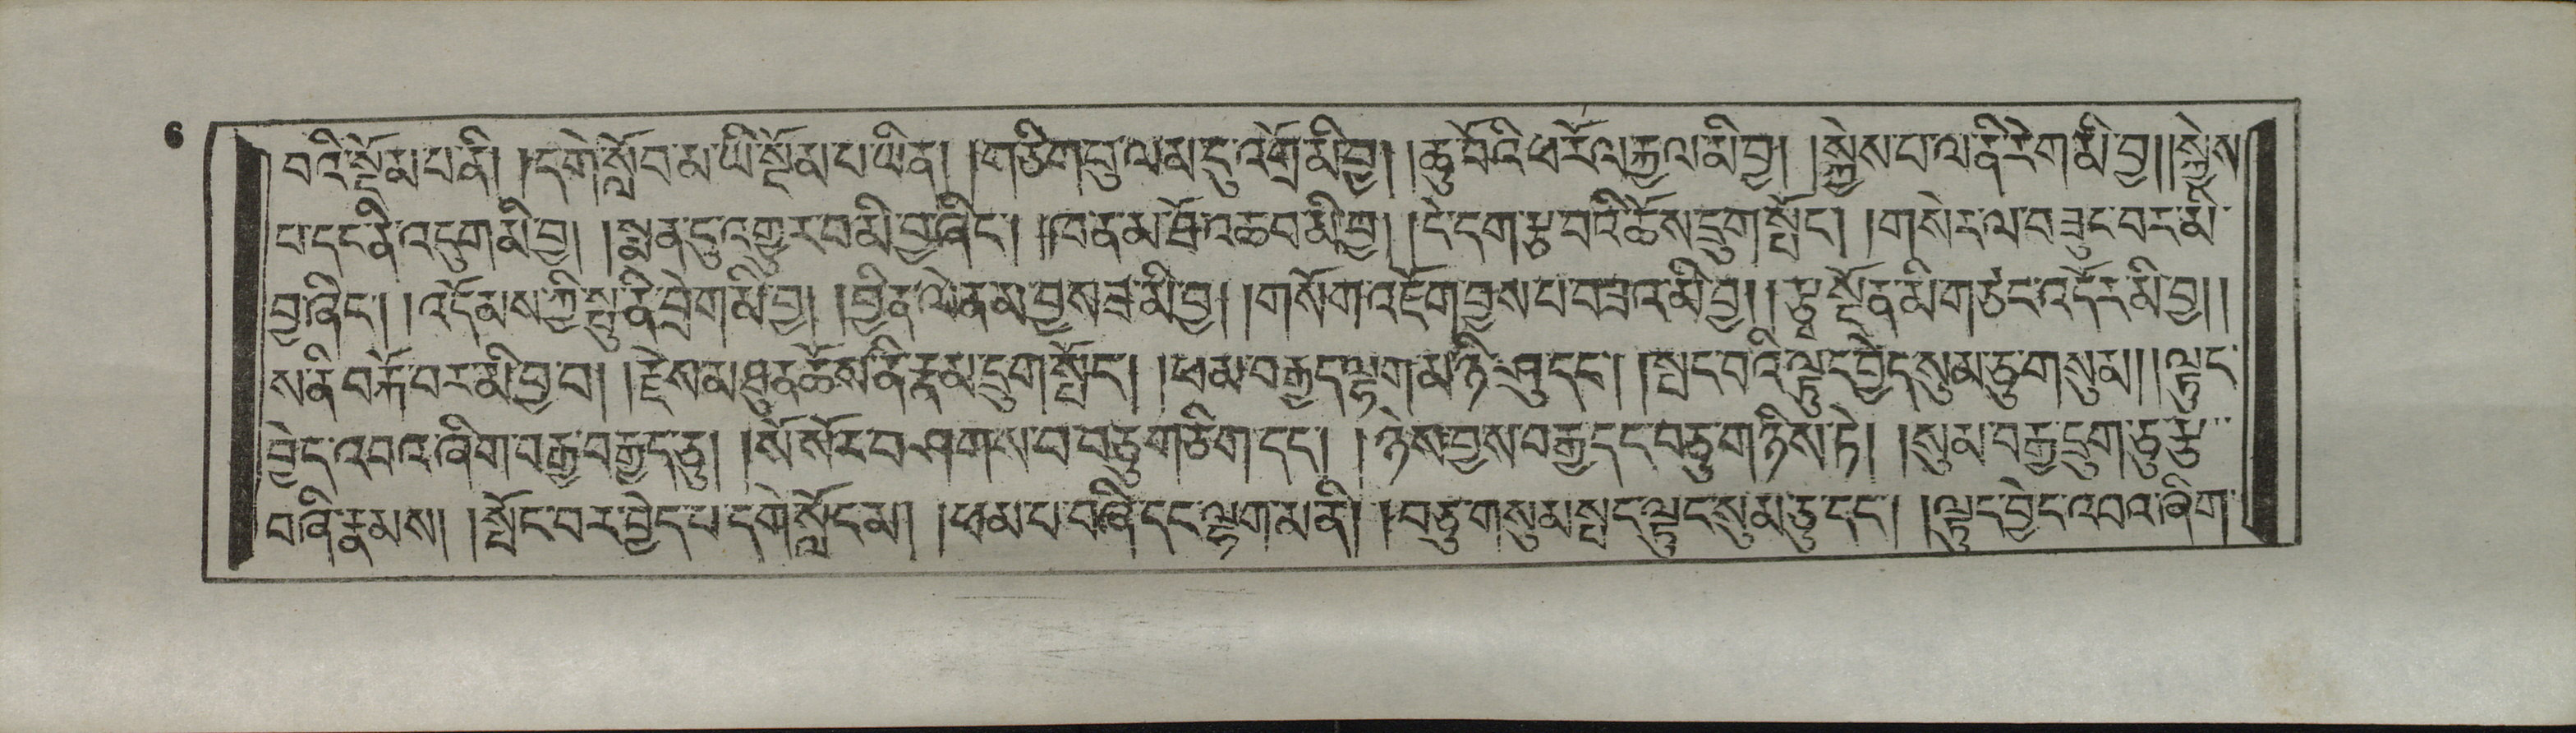བའི་སྡོམ་པ་ནི། །དགེ་སློབ་མ་ཡི་སྡོམ་པ་ཡིན། །གཅིག་པུ་ལམ་དུ་འགྲོ་མི་བྱ། །ཆུ་བོའི་ཕ་རོལ་རྐྱལ་མི་བྱ། །སྐྱེས་པ་ལ་ནི་རེག་མི་བྱ། །སྐྱེས་
པ་དང་ནི་འདུག་མི་བྱ། །སྨྱན་དུ་འགྱུར་བ་མི་བྱ་ཞིང་། །ཁ་ན་མ་ཐོ་འཆབ་མི་བྱ། །དེ་དག་རྩ་བའི་ཆོས་དྲུག་སྤོང་། །གསེར་ལ་བཟུང་བར་མི་
བྱ་ཞིང་། །འདོམས་ཀྱི་སྤུ་ནི་བྲེག་མི་བྱ། །བྱིན་ལེན་མ་བྱས་ཟ་མི་བྱ། །གསོག་འཇོག་བྱས་པ་བཟའ་མི་བྱ། །རྩྭ་སྔོན་མི་གཙང་འདོར་མི་བྱ།།
ས་ནི་བརྐོ་བར་མི་བྱ་བ། །རྗེས་མཐུན་ཆོས་ནི་རྣམ་དྲུག་སྤོང་། །ཕམ་བརྒྱད་ལྷག་མ་ཉི་ཤུ་དང་། །སྤང་བའི་ལྟུང་བྱེད་སུམ་ཅུ་གསུམ། །ལྟུང་
བྱེད་འབའ་ཞིག་བརྒྱ་བརྒྱད་ཅུ། །སོ་སོར་བཤགས་པ་བཅུ་གཅིག་དང་། །ཉེས་བྱས་བརྒྱ་དང་བཅུ་གཉིས་ཏེ། །སུམ་བརྒྱ་དྲུག་ཅུ་རྩ་
བཞི་རྣམས། །སྤོང་བར་བྱེད་པ་དགེ་སློང་མ། །ཕམ་པ་བཞི་དང་ལྷག་མ་ནི། །བཅུ་གསུམ་སྤང་ལྟུང་སུམ་ཅུ་དང་། །ལྟུང་བྱེད་འབའ་ཞིག་